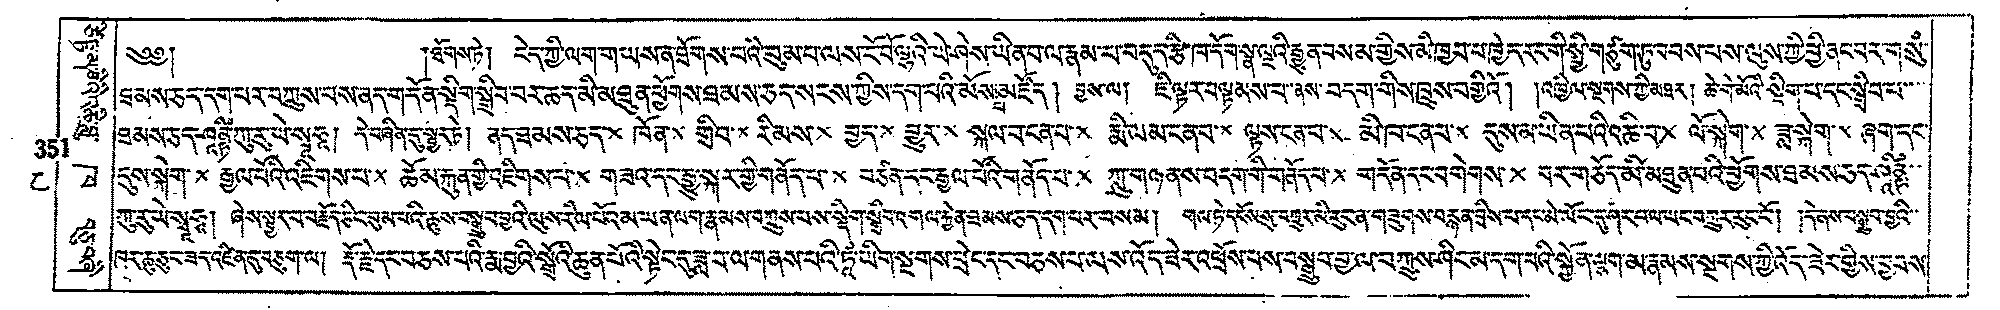༄༅། །ཐོགས་ཏེ།  ངེད་ཀྱི་ལག་གཡས་ན་ཐོགས་པའི་བུམ་པ་ལས་ངེ་བོ་ལྷའི་ཡེ་ཤེས་ཡིན་པ་ལ་རྣམ་པ་བདུད་རྩི་ཁོ་དོག་སྣ་ལྔའི་རྒྱུན་བསམ་གྱིས་མི་ཁྱབ་པ་ཁྱེད་རང་གི་སྤྱི་གཙུག་ཏུ་བབས་པས་ལུས་ཀྱི་ཕྱི་ནང་བར་གསུཾ་
ཐམས་ཅད་དག་པར་བཀྲུས་པས་ནད་གདོན་སྡིག་སྒྲིབ་བར་ཆད་མི་མཐུན་ཕྱོགས་ཐམས་ཅད་སངས་ཀྱིས་དག་པའི་མོས་པ་མཛོད། བྱས་ལ།  ཇི་ལྟར་བལྟམས་པ་ནས་བདག་གིས་ཁྲུས་བགྱིའོ། །འཁྱིལ་སྔགས་ཀྱི་མཐར། ཆེ་གེ་མོའི་སྡིག་པ་དང་སྒྲིབ་པ་་་
ཐམས་ཅད་ཤཱནྟིཾ་ཀུ་རུ་ཡེ་སྭཱཧཱ། དེ་བཞིན་དུ་སྦྱར་ཏེ།  ནད་ཐམས་ཅད་྾་ཁོན་྾་གྲིབ་྾་རིམས་྾་བྱད་྾་བྱུར་྾་སྐལ་བ་ངན་པ་྾་རྨི་ལམ་ངན་པ་྾་ལྟས་ངན་པ་྾་མི་ཁ་ངན་པ་྾་དུས་མ་ཡིན་པའི་འཆི་བ་྾་ལོ་སྐེག་྾་ཟླ་སྐེག་྾་ཞག་དང་
དུས་སྐེག་྾་རྒྱལ་པོའི་འཇིགས་པ་྾་ཆོམ་རྐུན་གྱི་འཇིགས་པ་྾་གཟའ་དང་རྒྱུ་སྐར་གྱི་གནོད་པ་྾་བཙན་དང་རྒྱལ་པོའི་གནོད་པ་྾་ཀླུ་གཉན་ས་བདག་གི་གནོད་པ་྾་གདོན་དང་བགེགས་྾་བར་གཅོད་མི་མཐུན་པའི་ཕྱོགས་ཐམས་ཅད་ཤཱནྟཾ་་་
ཀུ་རུ་ཡེ་སྭཱཧཱ། ཞེས་སྦྱར་བ་བརྗོད་ཅིང་བུམ་པའི་ཆུས་བསྒྲུབ་བྱའི་ལུས་རིལ་པོའམ་ཡན་ལག་རྣམས་བཀྲུས་པས་སྡིག་སྒྲིབ་འགལ་རྐྱེན་ཐམས་ཅད་དག་པར་བསམ། གལ་ཏེ་དངོས་སུ་བཀྲུར་མི་རུང་ན་གཟུགས་བརྙན་བྲིས་པ་དང་མེ་ལོང་དུ་ཤར་བ་ལ་ཡང་བཀྲུར་རུང་ངོ། །དེ་ནས་བསྒྲུབ་བྱའི་་་
ཁར་ཆུ་ཅུང་ཟད་འཛིན་དུ་བཅུག་ལ། རྡོ་རྗེ་དང་བཅས་པའི་རྨ་བྱའི་སྒྲོའི་ཆུན་པོ་སྟེང་དུ་ཟླ་བ་ལ་གནས་པའི་ཏཱཾ་ཡིག་སྔགས་ཕྲེང་དང་བཅས་པ་ལས་འོད་ཟེར་འཕོས་པས་བསྒྲུབ་བྱ་ལ་བཀྲུས་ཤིང་མ་དག་པའི་སྐྱོན་ལྷག་མ་རྣམས་སྔགས་ཀྱི་འོད་ཟེར་གྱིས་བྱ་བས་